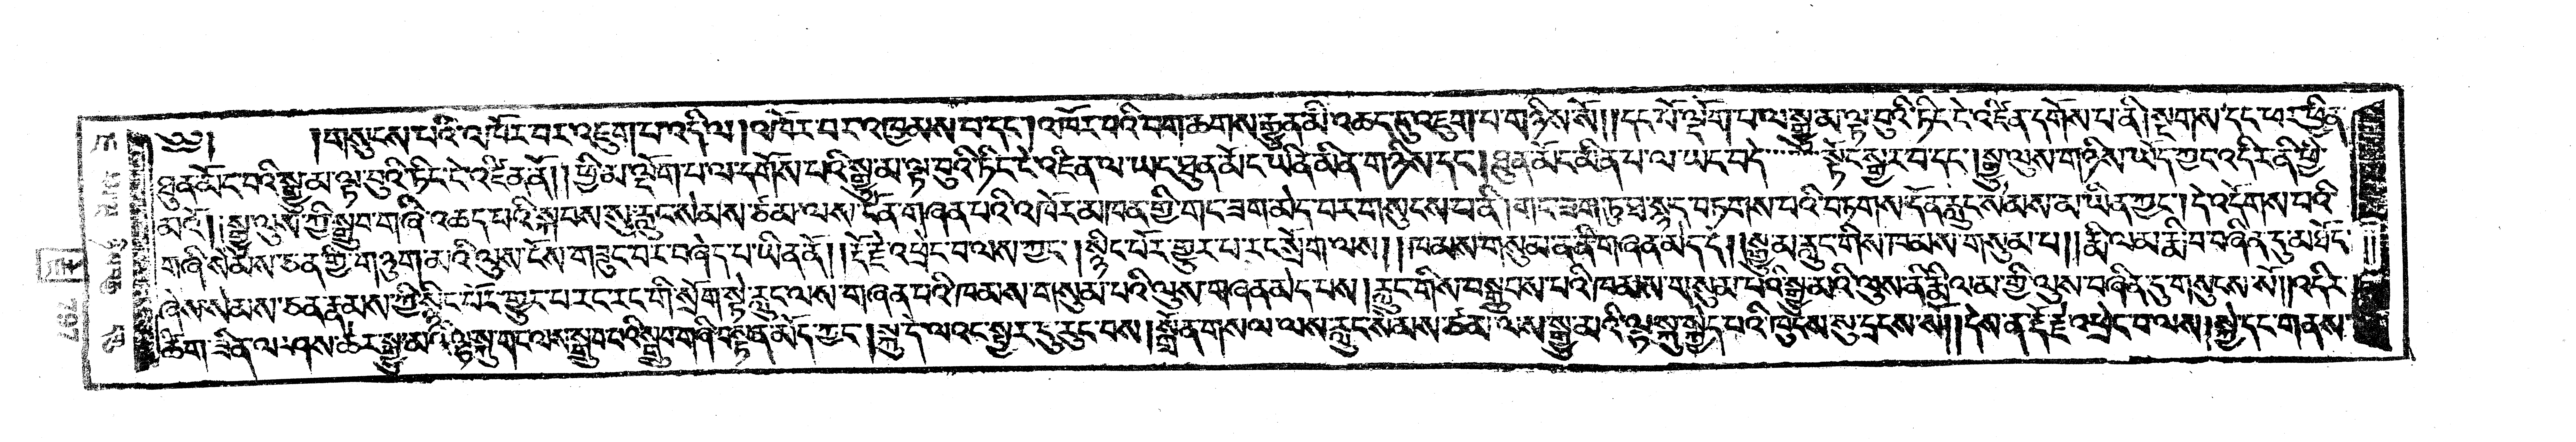༄༅། །གསུངས་པའི་འཁོར་བར་འཇུག་པ་འདི་ལ། འཁོར་བར་འཁྱམས་པ་དང་། འཁོར་བའི་བག་ཆགས་རྒྱུན་མི་འཆད་དུ་འཇུག་པ་གཉིས་སོ། །དང་པོ་ལྡོག་པ་ལ་སྒྱུ་མ་ལྟ་བུའི་ཏིང་ངེ་འཛིན་དགོས་པ་ནི། སྔགས་དང་ཕར་ཕྱིན་
ཐུན་མོང་བའི་སྒྱུ་མ་ལྟ་བུའི་ཏིང་ངེ་འཛིན་ནོ། །ཕྱི་མ་ལྡོག་པ་ལ་དགོས་པའི་སྒྱུ་མ་ལྟ་བུའི་ཏིང་ངེ་འཛིན་ལ་ཡང་ཐུན་མོང་ཡིན་མིན་གཉིས་དང་། ཐུན་མོང་མིན་པ་ལ་ཡང་བདེ་སྟོང་སྦྱར་པ་དང་། སྒྱུ་ལུས་གཉིས་ཡོད་ཀྱང་འདིར་ནི་ཕྱི་
མའོ། །སྒྱུ་ལུས་ཀྱི་སྒྲུབ་གཞི་འཆད་པའི་སྐབས་སུ་རླུང་སེམས་ཙམ་ལས་དོན་གཞན་པའི་འཁོར་མཁན་གྱི་གང་ཟག་མེད་པར་གསུངས་པ་ནི། གང་ཟག་ཏུ་ཐ་སྙད་བཏགས་པའི་བཏགས་དོན་རླུང་སེམས་མ་ཡིན་ཀྱང་། དེ་འདོགས་པའི་
གཞི་སེམས་ཅན་གྱི་གཉུག་མའི་ལུས་ངོས་གཟུང་བར་བཞེད་པ་ཡིན་ནོ། །རྡོ་རྗེ་འཕྲེང་བ་ལས་ཀྱང་། སྙིང་པོར་གྱུར་པ་རང་སྲོག་ལས། །ཁམས་གསུམ་ན་ནི་གཞན་མེད་དེ། །སྒྱུ་མ་རླུང་གིས་ཁམས་གསུམ་པ། །རྨི་ལམ་རྨི་བ་བཞིན་དུ་མཐོང་
ཞེས་སེམས་ཅན་རྣམས་ཀྱི་སྙིང་པོར་གྱུར་པ་རང་རང་གི་སྲོག་སྟེ་རླུང་ལས་གཞན་པའི་ཁམས་གསུམ་པའི་ལུས་གཞན་མེད་པས། རླུང་གིས་བསྒྲུབས་པའི་ཁམས་གསུམ་པའི་སྒྱུ་མའི་ལུས་ནི་རྨི་ལམ་གྱི་ལུས་བཞིན་དུ་གསུངས་སོ། །འདིར་
ཚིག་ཟིན་ལ་ཤས་ཆེར་སྒྱུ་མའི་ལྷ་སྐུ་གང་ལས་སྒྲུབ་པའི་སྒྲུབ་གཞི་བསྟན་མོད་ཀྱང་། སྐུ་དེ་ལའང་སྦྱར་དུ་རུང་བས། སྒྲོན་གསལ་ལས་རླུང་སེམས་ཙམ་ལས་སྒྱུ་མའི་ལྷ་སྐུ་སྐྱེད་པའི་ཁུངས་སུ་དྲངས་སོ། །དེས་ན་རྡོ་རྗེ་འཕྲེང་བ་ལས། སྐྱེ་དང་གནས་